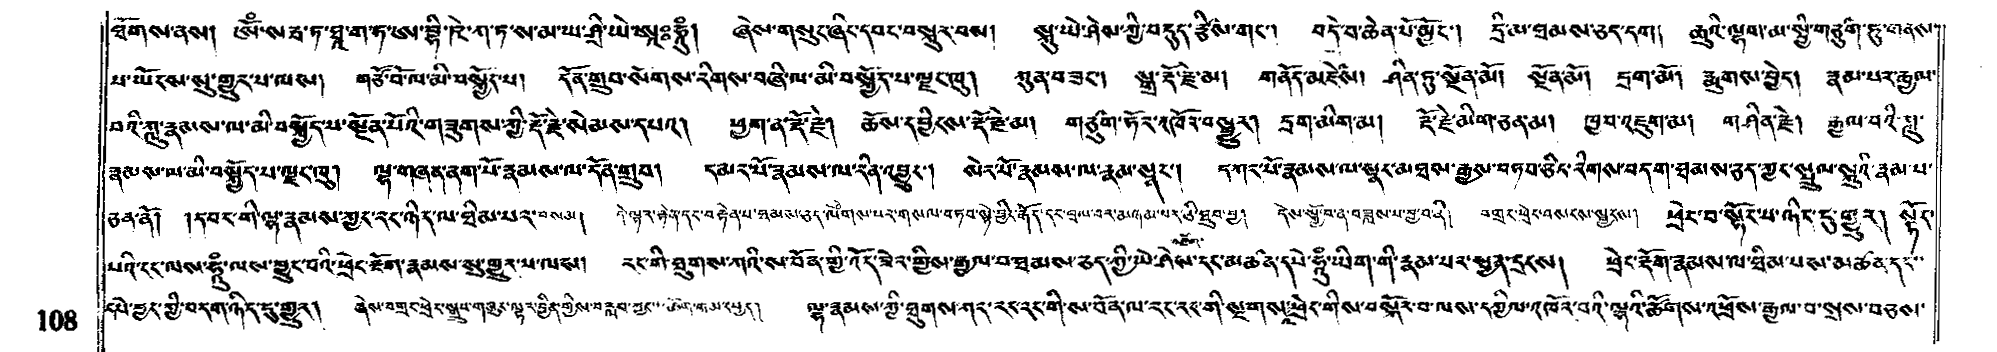ཐོགས་ནས། ཨོཾ་སརྦ་ཏ་ཐཱ་ག་ཏ་ཨ་བྷི་ཥེ་ཀ་ཏ་ས་མ་ཡ་ཤྲི་ཡེ་ཨཱཿ ཧཱུཾ། ཞེས་གསུང་ཞིང་དབང་བསྐུར་བས། སྐུ་ཡེ་ཤེས་ཀྱི་བདུད་རྩིས་གང་། བདེ་བ་ཆེན་པོ་མྱོང་། དྲི་མ་ཐམས་ཅད་དག། ཆུའི་ལྷག་མ་སྤྱི་གཙུག་ཏུ་གནས་
པ་ཡོངས་སུ་གྱུར་པ་ལས། གཙོ་བོ་ལ་མི་བསྐྱོད་པ། དོན་གྲུབ་སོགས་རིགས་བཞི་ལ་མི་བསྐྱོད་པ་ལྗང་ཁུ། ཀུན་བཟང་། སྒྲ་རྡོ་རྗེ་མ། གནོད་མཛེས། ཤིན་ཏུ་སྔོན་མོ། སྔོན་མོ། དྲག་མོ། རྨུགས་བྱེད། རྣམ་པར་རྒྱལ་
བའི་ཀླུ་རྣམས་ལ་མི་བསྐྱོད་པ་སྔོན་པོའི་གཟུགས་ཀྱི་རྡོ་རྗེ་སེམས་དཔའ། ཕྱག་ན་རྡོ་རྗེ། ཆོས་དབྱིངས་རྡོ་རྗེ་མ། གཙུག་ཏོར་འཁོར་བསྒྱུར། དྲག་མིག་མ། རྡོ་རྗེ་མིག་ཅན་མ། ཁྱབ་འཇུག་མ། གཤིན་རྗེ། རྒྱལ་བའི་ཀླུ་
རྣམས་ལ་མི་བསྐྱོད་པ་ལྗང་ཁུ། ལྷ་གཞན་ནག་པོ་རྣམས་ལ་དོན་གྲུབ། དམར་པོ་རྣམས་ལ་རིན་འབྱུང་། སེར་པོ་རྣམས་ལ་རྣམ་སྣང་། དཀར་པོ་རྣམས་ལ་སྣང་མཐས་རྒྱས་བཏབ་ཅིང་རིགས་བདག་ཐམས་ཅད་ཀྱང་སྤྲུལ་སྐུའི་རྣམ་པ་
ཅན་ནོ། །དབང་གི་ལྷ་རྣམས་ཀྱང་རང་ཉིད་ལ་ཐིམ་པར་བསམ། དེ་ལྟར་རྟེན་དང་བརྟེན་པ་ཐམས་ཅད་ལེགས་པར་གསལ་བཏབ་སྟེ་བྱིང་རྒོད་དང་བྲལ་བར་མཉམ་པར་ཅི་ཐུབ་བྱ། དེས་སྐྱོ་བ་ན་བཟླས་པ་བྱ་བ་ནི། བགྲང་ཕྲེང་བསངས་སྦྱངས།  ཕྲེང་བ་སྟོང་པ་ཉིད་དུ་གྱུར། སྟོང་
པའི་ངང་ལས་ཧཱུཾ་ལས་བྱུང་བའི་ཕྲེང་རྔོག་རྣམས་སུ་གྱུར་པ་ལས། རང་གི་ཐུགས་ཀའི་ས་བོན་གྱི་འོད་ཟེར་གྱིས་རྒྱལ་བ་ཐམས་ཅད་ཀྱི་ཡེ་ཤེས་དང་མཚན་དཔེ་ཧཱུཾ་ཡིག་གི་རྣམ་པར་སྤྱན་དྲངས། ཕྲེང་རྡོག་རྣམས་ལ་ཐིམ་པས་མཚན་དང་
དཔེ་བྱང་ཀྱི་བདག་ཉིད་དུ་གྱུར། ཞེས་བགྲང་ཕྲེང་སྒྲུབ་གཞུང་ལྟར་བྱིན་གྱིས་བརླབ་ཀྱང་ཆོག་གམ་དཔྱད།  ལྷ་རྣམས་ཀྱི་ཐུགས་ཀར་རང་རང་གི་ས་བོན་ལ་རང་རང་གི་སྔགས་འཕྲེང་གིས་བསྐོར་བ་ལས་དཀྱིལ་འཁོར་བའི་ལྷའི་ཚོགས་འཕྲོས་རྒྱལ་བ་སྲས་བཅས་